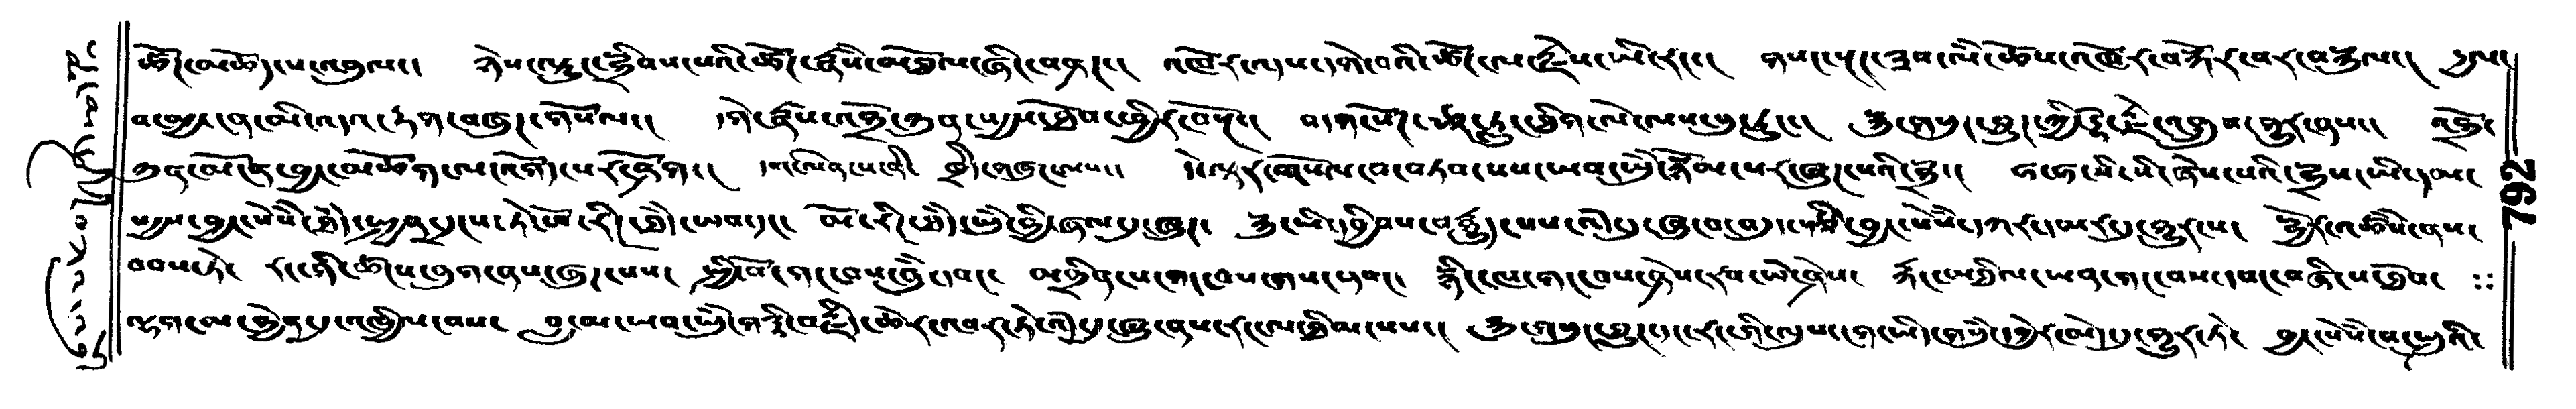ཚོགས་མཆོད་པ་འབུལ། །ཉེས་ལྟུང་སྒྲིབ་པའི་ཚོགས་རྣམས་མཐོལ་ཞིང་བཤགས། །འཁོར་འདས་དགེ་བའི་ཚོགས་ལ་རྗེས་ཡི་རང་། །གསང་སྔགས་ཟབ་ལམ་ཆོས་འཁོར་བསྐོར་བར་བསྐུལ། །རྒྱལ་
བ་མྱ་ངན་མི་འདའ་རྟག་བཞུགས་གསོལ། །དགེ་རྣམས་འགྲོ་ཀུན་སངས་རྒྱས་ཐོབ་ཕྱིར་བསྔོ། །བདག་སོགས་རྩ་རླུང་ཐིག་ལེ་ལས་སུ་རུང་། །སྐུ་གསུང་ཐུགས་ཀྱི་རྡོ་རྗེ་འགྲུབ་གྱུར་ནས། །འགྲོ་
ཀུན་མངོན་བྱང་མཆོག་ལ་འགོད་པར་ཤོག དབང་ལེན་པ་ནི། ཁྲིད་གཞུང་ལས། དེ་ལྟར་གསོལ་བ་བཏབ་པས་ཡབ་ཡུམ་སྙོམས་པར་ཞུགས་པའི་སྒྲ།ཧ་ཧ་སི་སི་ཞེས་པའི་སྒྲས་ཡི་དམ་
སངས་རྒྱས་བྱང་སེམས་ཐམས་ཅད་སྤྱན་དྲངས་ཏེ་ཕོ་རིགས་ཐམས་ཅད་ཡབ་དང་། མོ་རིགས་ཐམས་ཡུམ་གྱི་ཞལ་དུ་ཞུགས། སྐུ་ཡི་དབྱིབས་བརྒྱུད་པས་འོད་དུ་ཞུ་བ་བདུད་རྩི་བྱང་སེམས་དཀར་དམར་དུ་གྱུར་པ། སྦྱོར་འཚམས་ནས་
བབས་ཏེ། རང་ནི་ཚངས་བུག་ནས་ཞུགས་པས། སྤྱི་བོ་གང་བས་བུམ་དབང་། མགྲིན་པ་གང་བས་གསང་དབང་། སྙིང་ཁ་གང་བས་ཤེས་རབ་ཡེ་ཤེས། རྐང་མཐིལ་ཡན་གང་བས་དབང་བཞི་པ་ཐོབ། 
ལྷག་མ་གྱེན་དུ་འཁྱིལ་བས། བླ་མ་ཡབ་ཡུམ་གཟི་བརྗིད་ཆེར་འབར་ཏེ་འོད་དུ་ཞུ་ནས་རང་ལ་ཐིམ་པས། སྐུ་གསུང་ཐུགས་དང་རང་གི་ལུས་ངག་ཡིད་གསུམ་དབྱེར་མེད་དུ་གྱུར་ཏེ། བྱང་སེམས་བ་སྤུའི་